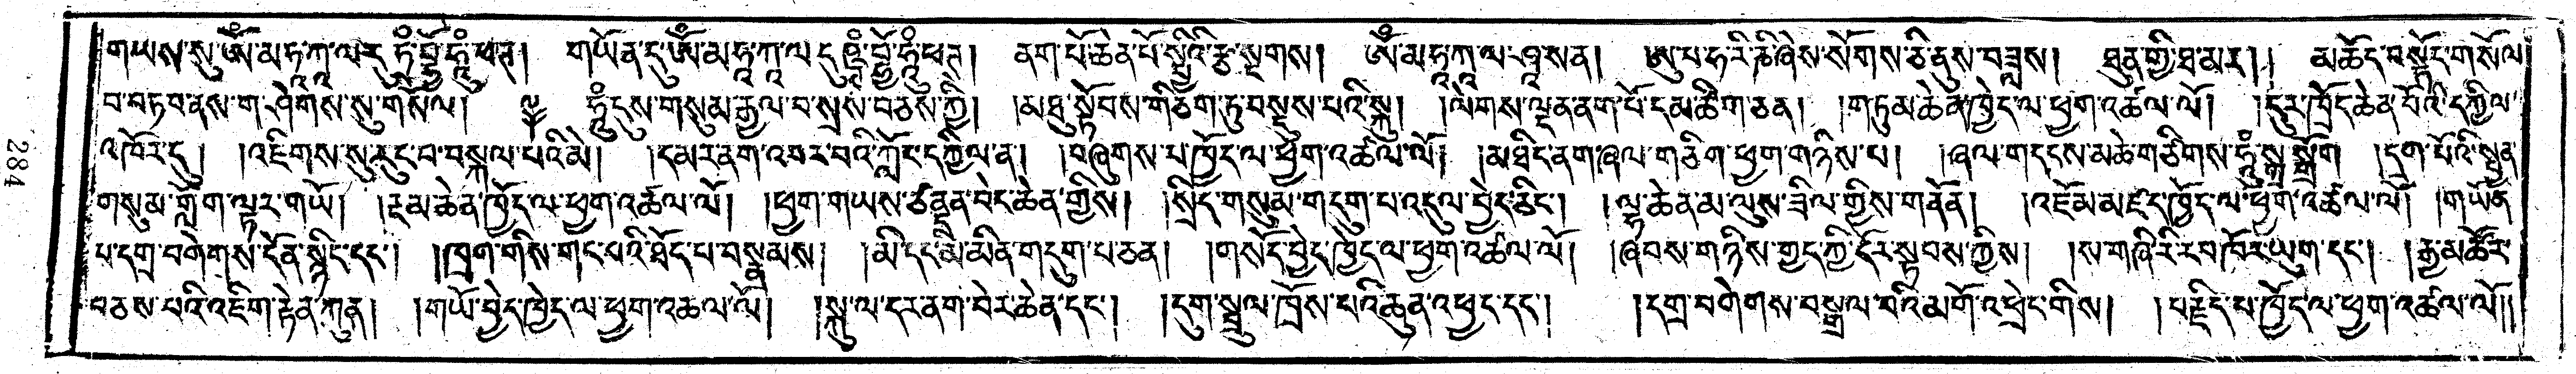གཡས་སུ་ཨོཾ་མཧཱ་ཀཱ་ལ་ར་ཏྲཾ་བྷྱོ་ཧཱུཾ་ཕཊ། གཡོན་དུ་ཨོཾ་མཧཱ་ཀཱ་ལ་དུཥྚཾ་བྷྱོ་ཧཱུཾ་ཕཊ། ནག་པོ་ཆེན་པོ་སྤྱིའི་རྩ་སྔགས། ཨོཾ་མཧཱ་ཀཱ་ལ་ཤཱ་ས་ན། ཨུ་པ་ཧ་རི་ཎི་ཞེས་སོགས་ཅི་ནུས་བཟླས། ཐུན་གྱི་ཐ་མར།། མཆོད་བསྟོད་གསོལ་
བ་བཏབ་ནས་གཤེགས་སུ་གསོལ། ༈ ཧཱུཾ་དུས་གསུམ་རྒྱལ་བ་སྲས་བཅས་ཀྱི། །མཐུ་སྟོབས་གཅིག་ཏུ་བསྡུས་པའི་སྐུ། །ལེགས་ལྡན་ནག་པོ་དམ་ཚིག་ཅན། །གཏུམ་ཆེན་ཁྱེད་ལ་ཕྱག་འཚལ་ལོ། །དུར་ཁྲོད་ཆེན་པོའི་དཀྱིལ་
འཁོར་དུ། །འཇིགས་སུ་རུང་བ་བསྐལ་པའི་མེ། །དམར་ནག་འབར་བའི་ཀློང་དཀྱིལ་ན། །བཞུགས་པ་ཁྱོད་ལ་ཕྱག་འཚལ་ལོ། །མཐིང་ནག་ཞལ་གཅིག་ཕྱག་གཉིས་པ། །ཞལ་གདངས་མཆེ་གཙིགས་ཧཱུཾ་སྒྲ་སྒྲོག །དྲག་པོའི་སྤྱན་
གསུམ་གློག་ལྟར་གཡོ། །རྔམ་ཆེན་ཁྱོད་ལ་ཕྱག་འཚལ་ལོ། །ཕྱག་གཡས་ཙནྡན་བདེ་ཆེན་གྱིས། །སྲིད་གསུམ་གདུག་པ་འདུལ་བྱེད་ཅིང་། །ལྷ་ཆེན་མ་ལུས་ཟིལ་གྱིས་གནོན། །འཇོམ་མཛད་ཁྱོད་ལ་ཕྱག་འཚལ་ལོ། །གཡོན་
པ་དགྲ་བགེགས་དོན་སྙིང་དང་། །ཁྲག་གིས་གང་པའི་ཐོད་པ་བསྣམས། །མི་དང་མི་མིན་གདུག་པ་ཅན། །གསོད་བྱེད་ཁྱེད་ལ་ཕྱག་འཚལ་ལོ། །ཞབས་གཉིས་གྱད་ཀྱི་དོར་སྟབས་ཀྱིས། །ས་གཞི་རི་རབ་ཁོར་ཡུག་དང་། །རྒྱ་མཚོར་
བཅས་པའི་འཇིག་རྟེན་ཀུན། །གཡོ་བྱེད་ཁྱེད་ལ་ཕྱག་འཚལ་ལོ། །སྐུ་ལ་དར་ནག་བེར་ཆེན་དང་། །དུག་སྦྲུལ་ཁྲོས་པའི་ཆུན་འཕྱང་དང་། །དགྲ་བགེགས་བསྒྲལ་བའི་མགོ་འཕྲེང་གིས། །བརྗིད་པ་ཁྱོད་ལ་ཕྱག་འཚལ་ལོ།།